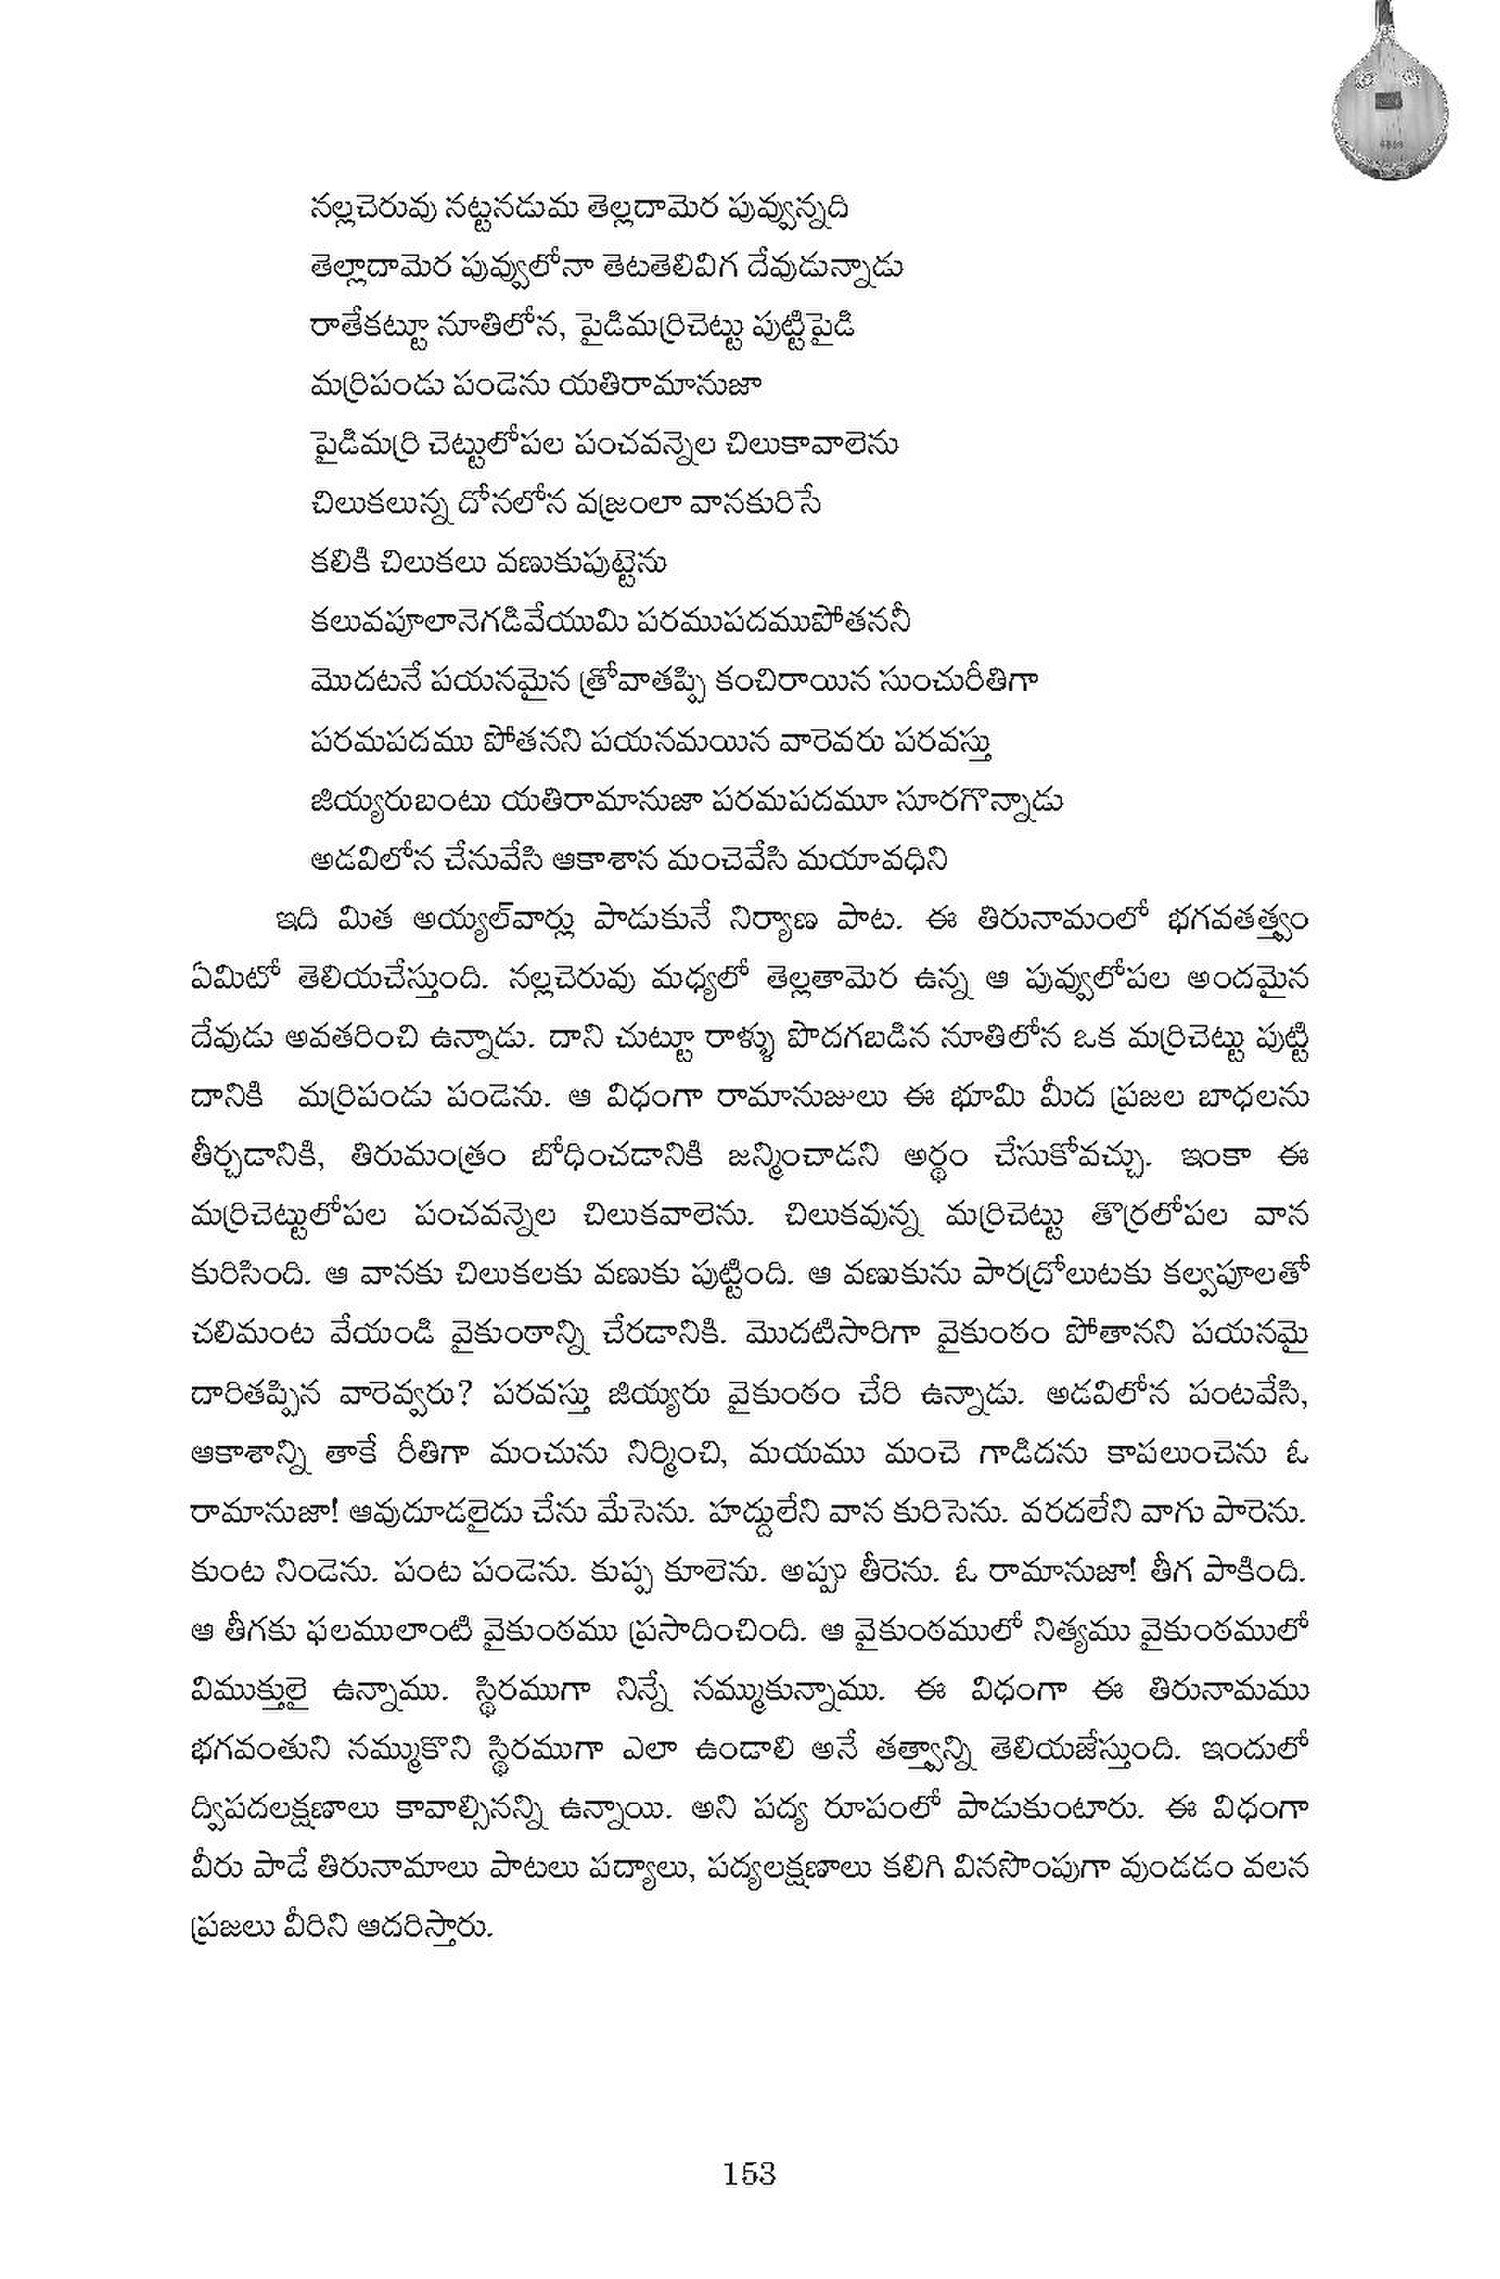నల్లచెరువు నట్టనడుమ తెల్లదామెర పువ్వున్నది
తెల్లాదామెర పువ్వులోనా తెటతెలివిగ దేవుడున్నాడు
రాతేకట్టూ నూతిలోన, పైడిమర్రిచెట్టు పుట్టిపైడి
మర్రిపండు పండెను యతిరామానుజా
పైడిమర్రి చెట్టులోపల పంచవన్నెల చిలుకావాలెను
చిలుకలున్న దోనలోన వజ్రంలా వానకురిసే
కలికి చిలుకలు వణుకుపుట్టెను
కలువపూలా నెగడివేయుమి పరముపదముపోతననీ
మొదటనే పయనమైన త్రోవతప్పి కంచిరాయిన సుంచురీతిగా
పరమపదము పోతనని పయనమయిన వారెవరు పరవస్తు
జియ్యరుబంటు యతిరామానుజా పరమపదమూ సూరగొన్నాడు
అడవిలోన చేనువేసి ఆకాశాన మంచెవేసి మయావధిని
ఇది మిత అయ్యల్వార్లు పాడుకునే నిర్యాణ పాట. ఈ తిరునామంలో భగవతత్త్వం
ఏమిటో తెలియచేస్తుంది. నల్లచెరువు మధ్యలో తెల్లతామెర ఉన్న ఆ పువ్వులోపల అందమైన
దేవుడు అవతరించి ఉన్నాడు. దాని చుట్టూ రాళ్ళు పొదగబడిన నూతిలోన ఒక మర్రిచెట్టు పుట్టి
దానికి మర్రిపండు పండెను. ఆ విధంగా రామానుజులు ఈ భూమి మీద ప్రజల బాధలను
తీర్చడానికి, తిరుమంత్రం బోధించడానికి జన్మించాడని అర్థం చేసుకోవచ్చు. ఇంకా ఈ
మర్రిచెట్టులోపల పంచవన్నెల చిలుకవాలెను. చిలుకవున్న మర్రిచెట్టు తొర్రలోపల వాన
కురిసింది. ఆ వానకు చిలుకలకు వణుకు పుట్టింది. ఆ వణుకును పారద్రోలుటకు కల్వపూలతో
చలిమంట వేయండి వైకుంఠాన్ని చేరడానికి. మొదటిసారిగా వైకుంఠం పోతానని పయనమై
దారితప్పిన వారెవ్వరు? పరవస్తు జియ్యరు వైకుంఠం చేరి ఉన్నాడు. అడవిలోన పంటవేసి,
ఆకాశాన్ని తాకే రీతిగా మంచును నిర్మించి, మయము మంచె గాడిదను కాపలుంచెను ఓ
రామానుజా! ఆవుదూడలైదు చేను మేసెను. హద్దులేని వాన కురిసెను. వరదలేని వాగు పారెను.
కుంట నిండెను. పంట పండెను. కుప్ప కూలెను. అప్పు తీరెను. ఓ రామానుజా! తీగ పాకింది.
ఆ తీగకు ఫలములాంటి వైకుంఠము ప్రసాదించింది. ఆ వైకుంఠములో నిత్యము వైకుంఠములో
విముక్తులై ఉన్నాము. స్థిరముగా నిన్నే నమ్ముకున్నాము. ఈ విధంగా ఈ తిరునామము
భగవంతుని నమ్ముకొని స్థిరముగా ఎలా ఉండాలి అనే తత్త్వాన్ని తెలియజేస్తుంది. ఇందులో
ద్విపదలక్షణాలు కావాల్సినన్ని ఉన్నాయి. అని పద్య రూపంలో పాడుకుంటారు. ఈ విధంగా
వీరు పాడే తిరునామాలు పాటలు పద్యాలు, పద్యలక్షణాలు కలిగి వినసొంపుగా వుండడం వలన
ప్రజలు వీరిని ఆదరిస్తారు.
153